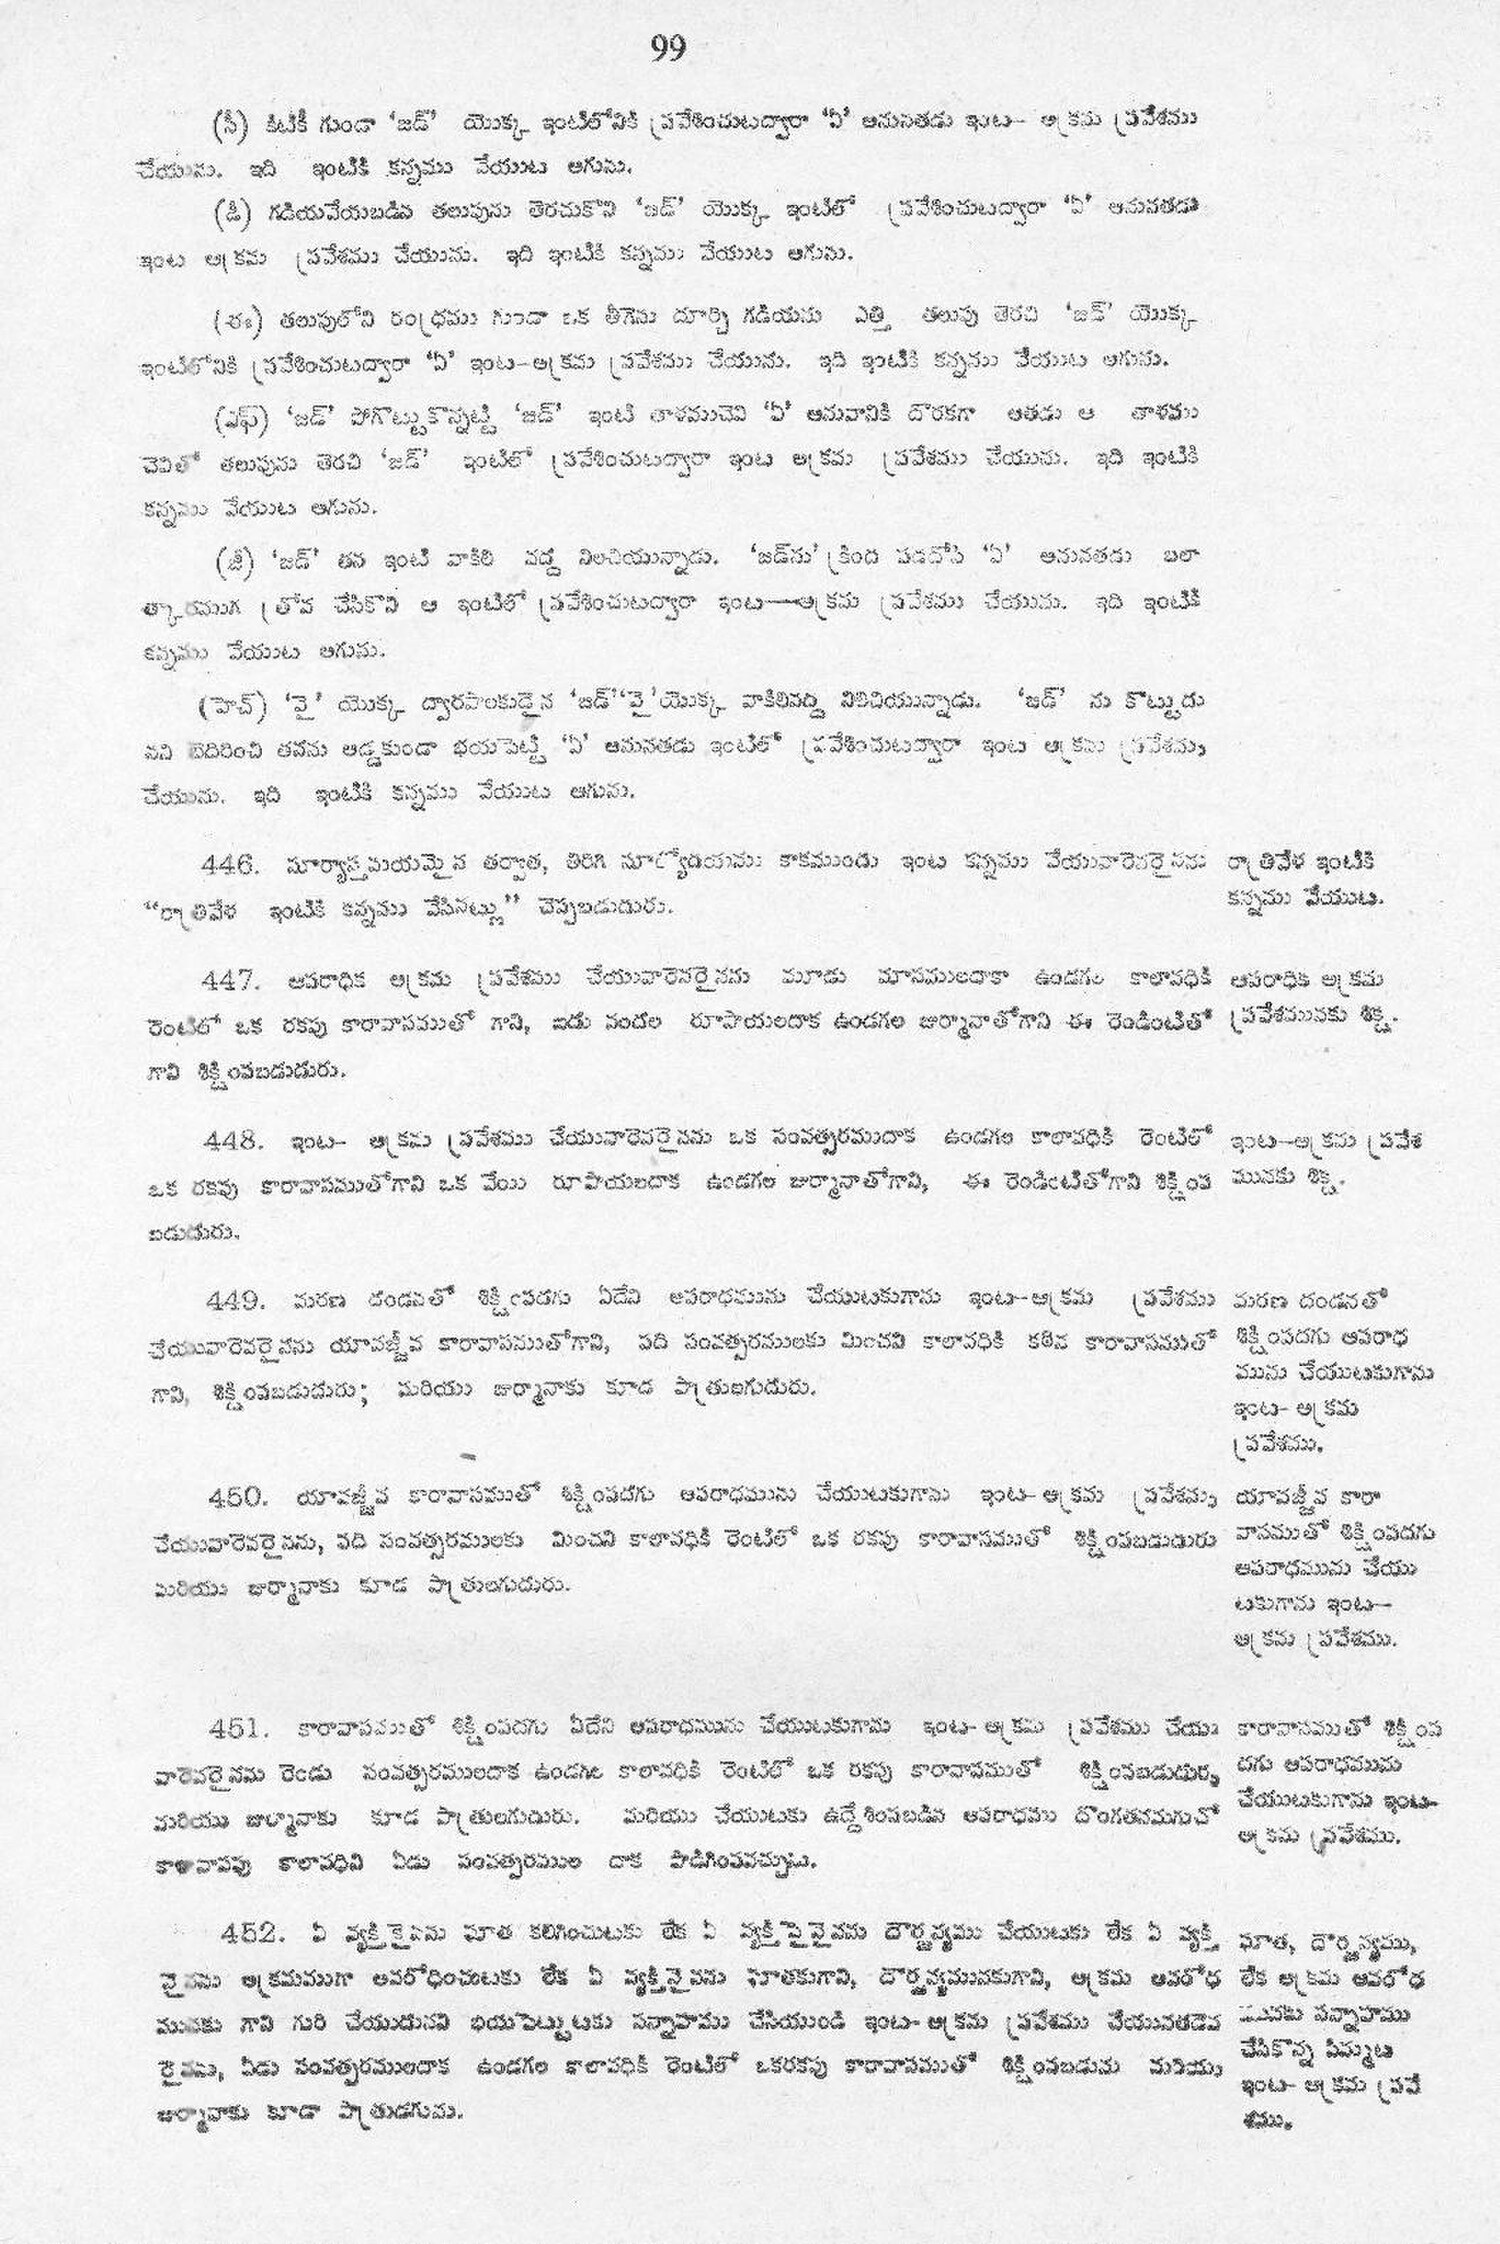(సీ) కిటికీ గుండా 'జడ్' యొక్క ఇంటిలోనికి ప్రవేశించుట ద్వారా 'ఏ' అనునతడు ఇంట అక్రమ ప్రవేశము చేయును. ఇది ఇంటికి కన్నము వేయుట అగును.

(డీ) గడియ వేయబడిన తలుపును తెరచుకొని 'జడ్' యొక్క ఇంటిలో ప్రవేశించుట ద్వారా 'ఏ' అనునతడు ఇంట అక్రమ ప్రవేశము చేయును. ఇది ఇంటికి కన్నము వేయుట అగును.

(ఈ) తలుపులోని రంధ్రము గుండా ఒక తీగెను దూర్చి గడియను ఎత్తి తలుపు తెరిచి 'జడ్' యొక్క ఇంటిలోనికి ప్రవేశించుట ద్వారా 'ఏ' ఇంట అక్రమ ప్రవేశము చేయును. ఇది ఇంటికి కన్నము వేయుట అగును.

(ఎఫ్) 'జడ్' పోగొట్టు కొన్నట్టి 'జడ్' ఇంటి తాళముచెవి 'ఏ' అనువానికి దొరకగా అతడు ఆ తాళము చెవితో తలుపును తెరచి 'జడ్' ఇంటిలో ప్రవేశించుటద్వారా ఇంట అక్రమ ప్రవేశము చేయును. ఇది ఇంటికి కన్నము వేయుట అగును.

(జి) 'జడ్' తన ఇంటి వాకిలి వద్ద నిలచియున్నాడు. 'జడ్' ను క్రింద పడదొసి 'ఏ' అనునతడు బలాత్కారముగ త్రోవ చేసికొని ఆ ఇంటిలో ప్రవేశించుటద్వారా ఇంట -అక్రమ ప్రవేశము చేయును. ఇది ఇంటికి కన్నము వేయుట అగును.

{ హెచ్) 'వై' యొక్క ద్వారపాలకుడైన 'జడ్' 'వై' యొక్క వాకిలివద్ద నిలిచియున్నాడు. 'జడ్' ను కొట్టుదునని బెదిరించి తనను అడ్డ కుండా భయ పెట్టి 'ఏ' అనునతడు ఇంటిలో ప్రవేశించుట ద్వారా ఇంట అక్రమ ప్రవేశము,చేయును. ఇది ఇంటికి కన్నము వేయుట ఆగును.

446. సూర్యాస్త మయమైన తర్వాత, తిరిగి సూర్యోదయము కాకముందు ఇంట కన్నము వేయువారెవరై నను “రాత్రివేళ ఇంటికి కన్నము వేసినట్లు" చెప్పుబడుదురు.

ఆపరాధిక అక్రమ ప్రవేశమునకు శిక్ష.

447. అపరాధిక అక్రమ ప్రవేశము చేయువారెవరైనను మూడు మాసములదాకా ఉండగల కాలావధికి రెంటిలో ఒక రకపు కారావాసముతో గాని, ఐదు వందల రూపాయలదాక ఉండగల జుర్మానాతోగాని ఈ రెండింటితో గాని శిక్షింపబడుడురు.

ఇంట- అక్రమ ప్రవేశమునకు శిక్ష.

448. ఇంట- అక్రమ ప్రవేశము చేయువారెవరైనను ఒక సంవత్సరముదాక ఉండగల కాలావధికి రెంటిలొ ఖట ఆక్రము ప్రవేశ
ఒక రకపు కారావాసముతో గాని ఒక వేయి రూపాయలదాక ఉండగల జుర్మానాతోగాని, ఈ రెండింటితోగాని శిక్షింపబడుదురు

మరణ దండనతో శిక్షింపదగు ఆపరాధమును చేయుటకుగాను ఇంట- అక్రమ ప్రవేశము,

449. మరణ దండవతో శిక్షింపదగు ఏదేని ఆపరాధమును చేయుటకుగాను ఇంట అక్రమ ప్రవేశము చేయువారెవరైనను యావజ్జీవ కారావాసముతొ గాని, పది సంవత్సరములకు మించని కాలావధికి కఠిన కారావాసముతో గాని, శిక్షింపబడుదురు; మరియు జుర్మానాకు కూడ పాత్రులగుదురు.

యావజ్జీవ కారావాసముతో శిక్షింపదగు అపరాధమును చేయుటకుగాను ఇంట-అక్రమ ప్రవేశము.

450. యావజ్జీవ కారావాసముతో శిక్షింపదగు ఆపరాధమును చేయుటకుగాను ఇంట అక్రమ ప్రవేశము చేయువారెవరైనను, పది సంవత్సరములకు మించని కాలావధికి రెంటిలో ఒక రకపు కారావాసముతో శిక్షింపబడుదురు. మరియు జుర్మానాకు కూడ పాత్రులగుదురు.

కారావాసముతో శిక్షింపదగు అపరాధమును చేయుటకుగాను ఇంట-అక్రమ ప్రవేశము.

451, కారావాసముతో శిక్షింపదగు ఏదేని అపరాధమును చేయుటకుగాను ఇంట అక్రమ ప్రవేశము చేయు వారెవరైనను రెండు సంవత్సరములదాక ఉండగల కాలావధికి రెంటిలో ఒక రకపు కారావాసముతో శిక్షింపబడుదురు మరియు జుర్మానాకు కూడ పాత్రులగుదురు. మరియు చేయుటకు ఉద్దేశింపబడిన అపరాధము దొంగతనమగుచో కాలా వాసపు కాలావధిని ఏడు సంవత్సరముల దాక పొడిగించవచ్చును.

ఘాత, దౌర్జ న్యము,లేక అక్రమ అవరొధమునకు సన్నాహము చేసికొన్న పిమ్మట ఇంట అక్రమ ప్రవేశము.

452. ఏ వ్యక్తి కై నను ఘాత కలిగించుటకు లేక ఏ వ్యక్తి పై నను దౌర్జన్యము చేయుటకు లేక ఏ వ్యక్తి నైనను అక్రమముగా అవరోధించుటకు లేక ఏ వ్యక్తి నై నను ఘాతకుగాని, దౌర్జన్యమునకుగాని, అక్రమ అవరోధమునకు గాని గురి చేయుదునని భయ పెట్టుటకు సన్నాహము చేసియుండి ఇంటా అక్రమ ప్రవేశము చేయు నతడెవరైనను, ఏడు సంవత్సరములదాక ఉండగల కాలావధికి రెంటిలో ఒకరకపు కారావాసముతో శిక్షించబడును. మరియు జుర్మానాకు కూడా పాత్రుడగును.